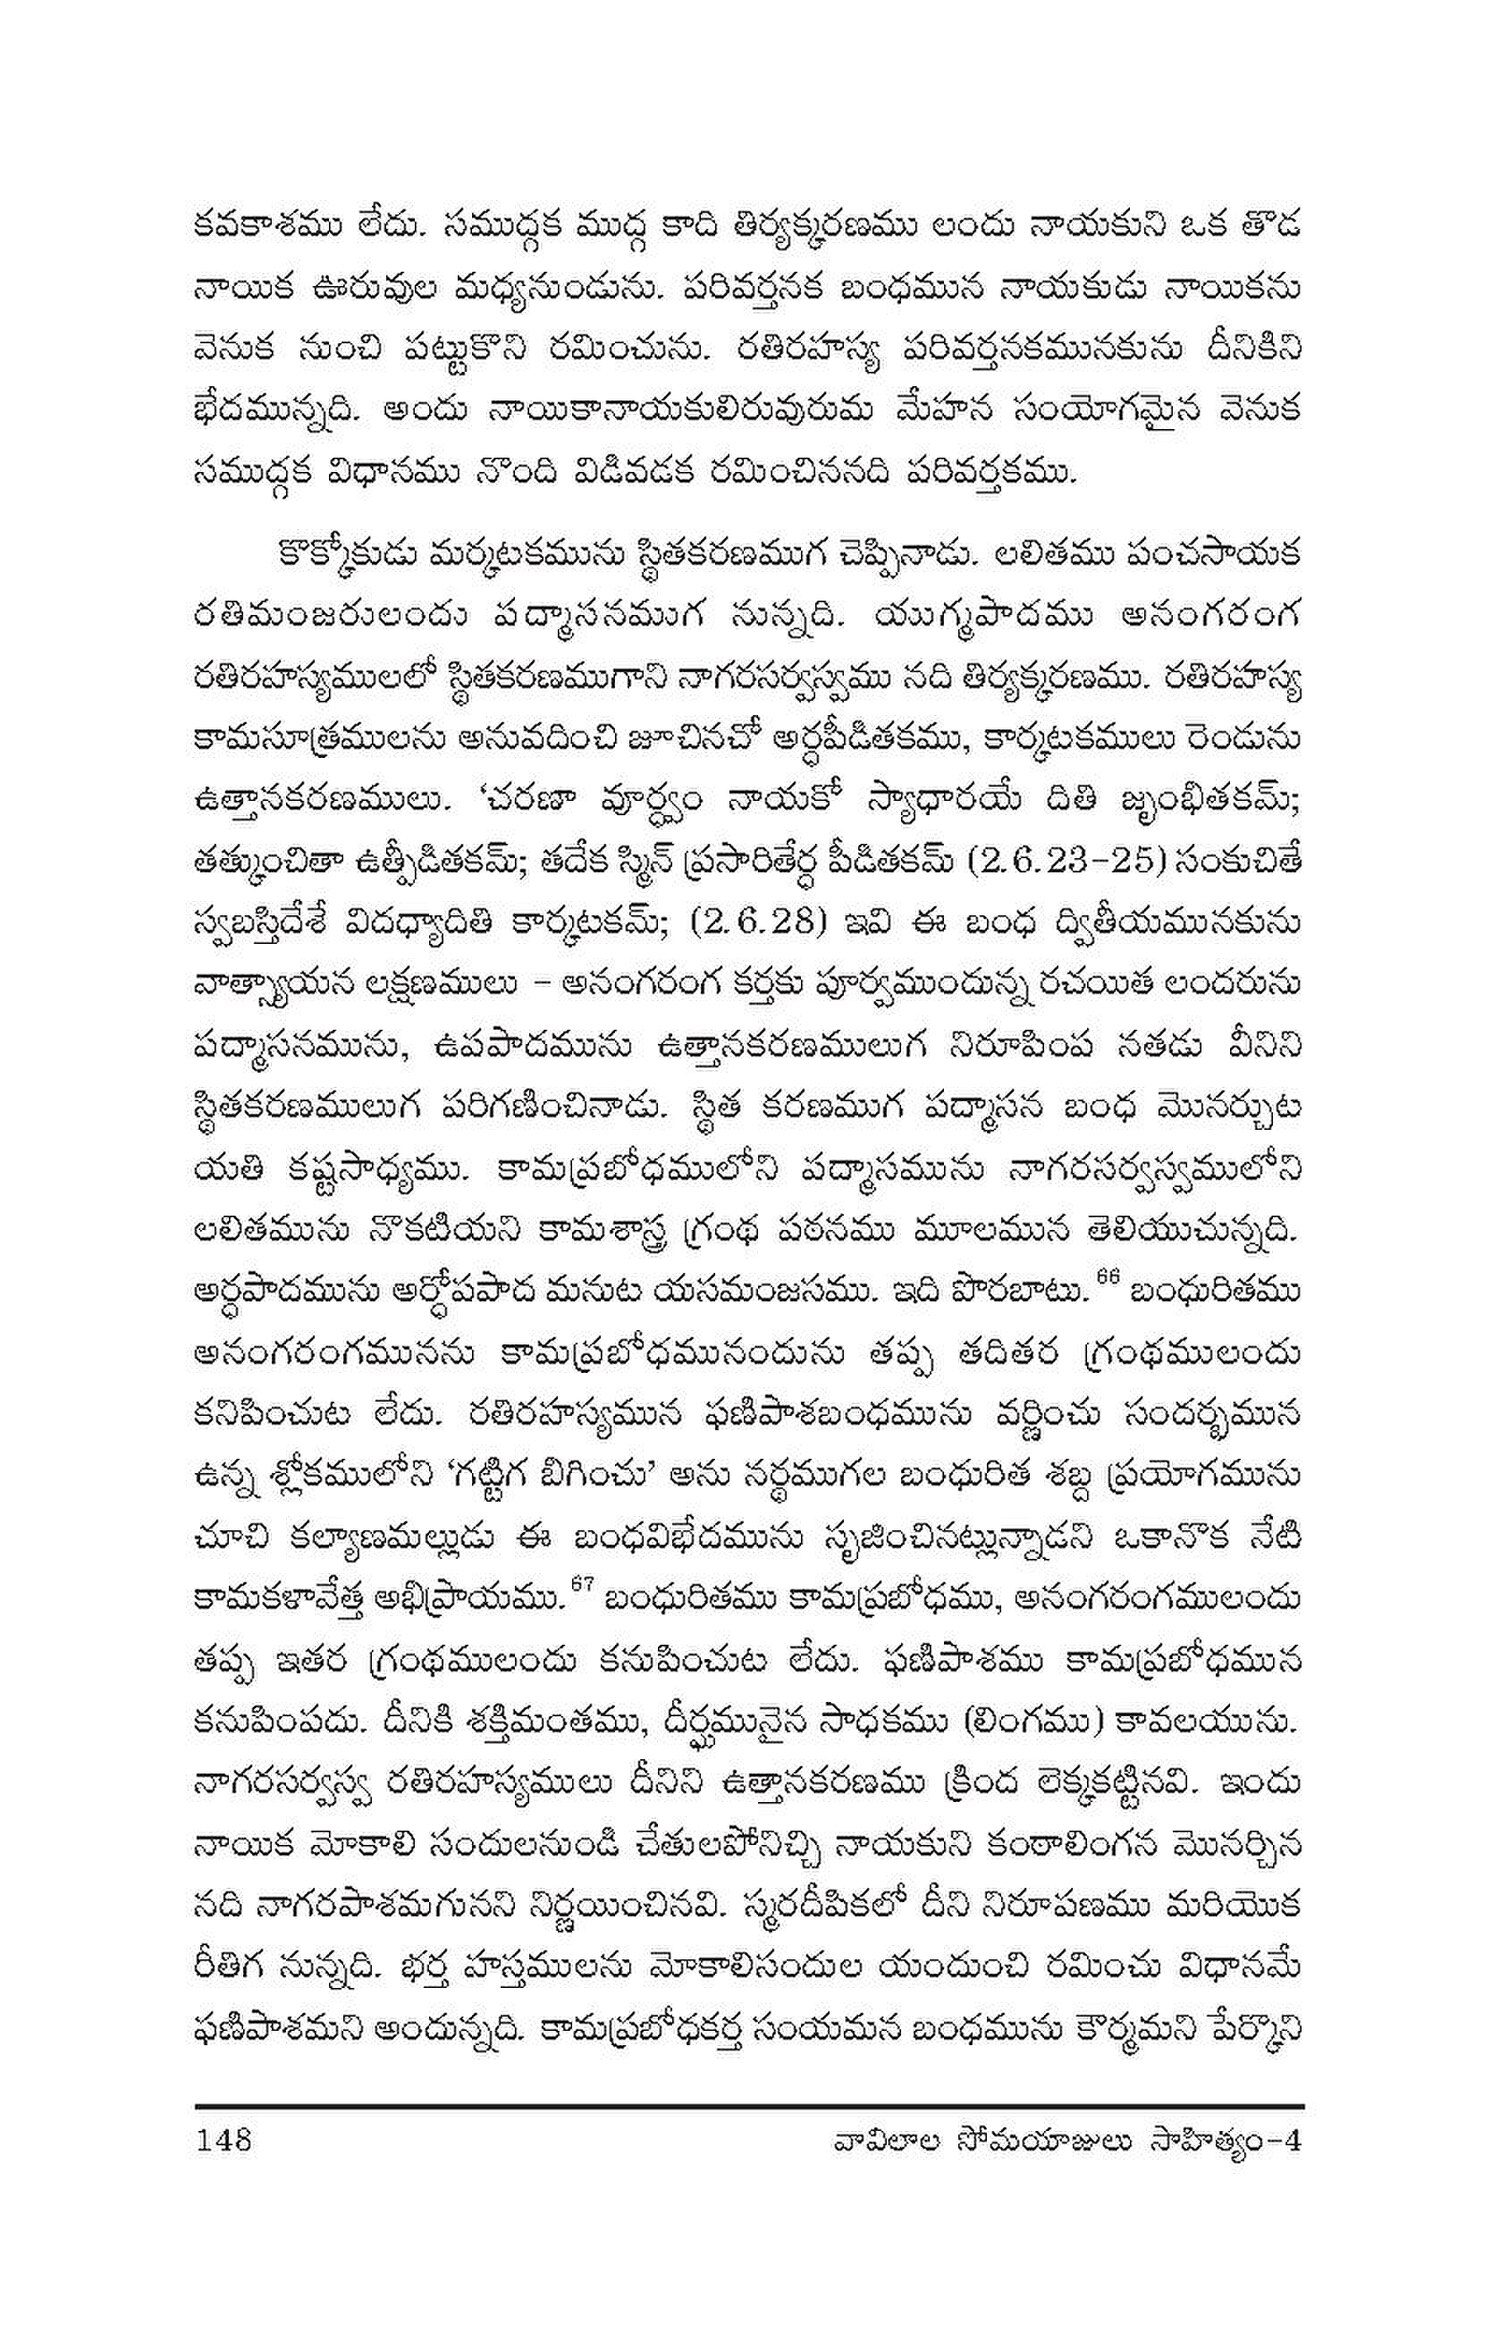కవకాశము లేదు. సముద్గక ముద్గ కాది తిర్యక్కరణము లందు నాయకుని ఒక తొడ
నాయిక ఊరువుల మధ్యనుండును. పరివర్తనక బంధమున నాయకుడు నాయికను
వెనుక నుంచి పట్టుకొని రమించును. రతిరహస్య పరివర్తనకమునకును దీనికిని
భేదమున్నది. అందు నాయికానాయకులిరువురుమ మేహన సంయోగమైన వెనుక
సముద్గక విధానము నొంది విడివడక రమించిననది పరివర్తకము.

కొక్కోకుడు మర్కటకమును స్థితకరణముగ చెప్పినాడు. లలితము పంచసాయక
రతిమంజరులందు పద్మాసనముగ నున్నది. యుగ్మపాదము అనంగరంగ
రతిరహస్యములలో స్థితకరణముగాని నాగరసర్వస్వము నది తిర్యక్కరణము. రతిరహస్య
కామసూత్రములను అనువదించి జూచినచో అర్ధపీడితకము, కార్కటకములు రెండును
ఉత్తానకరణములు. 'చరణా వూర్ధ్వం నాయకో స్యాధారయే దితి జృంభితకమ్;
తత్కుంచితా ఉత్పీడితకమ్; తదేక స్మిన్ ప్రసారితేర్ధ పీడితకమ్ (2.6.23-25) సంకుచితే
స్వబస్తిదేశే విదధ్యాదితి కార్కటకమ్; (2.6.28) ఇవి ఈ బంధ ద్వితీయమునకును
వాత్స్యాయన లక్షణములు - అనంగరంగ కర్తకు పూర్వముందున్న రచయిత లందరును
పద్మాసనమును, ఉపపాదమును ఉత్తానకరణములుగ నిరూపింప నతడు వీనిని
స్థితకరణములుగా పరిగణించినాడు. స్థిత కరణముగ పద్మాసన బంధ మొనర్చుట
యతి కష్టసాధ్యము. కామప్రబోధములోని పద్మాసమును నాగరసర్వస్వములోని
లలితమును నొకటియని కామశాస్త్ర గ్రంథ పఠనము మూలమున తెలియుచున్నది.
అర్ధపాదమును అర్ధోపపాద మనుట యసమంజసము. ఇది పొరబాటు. " బంధురితము
అనంగరంగమునను కామప్రబోధమునందును తప్ప తదితర గ్రంథములందు
కనిపించుట లేదు. రతిరహస్యమున ఫణిపాశబంధమును వర్ణించు సందర్భమున
ఉన్న శ్లోకములోని 'గట్టిగ బిగించు' అను నర్థముగల బంధురిత శబ్ద ప్రయోగమును
చూచి కల్యాణమల్లుడు ఈ బంధవిభేదమును సృజించినట్లున్నాడని ఒకానొక నేటి
కామకళావేత్త అభిప్రాయము. బంధురితము కామప్రబోధము, అనంగరంగములందు
తప్ప ఇతర గ్రంథములందు కనుపించుట లేదు. ఫణిపాశము కామప్రబోధమున
కనుపింపదు. దీనికి శక్తిమంతము, దీర్ఘమునైన సాధకము (లింగము) కావలయును.
నాగరసర్వస్వ రతిరహస్యములు దీనిని ఉత్తానకరణము క్రింద లెక్కకట్టినవి. ఇందు
నాయిక మోకాలి సందులనుండి చేతులపోనిచ్చి నాయకుని కంఠాలింగన మొనర్చిన
నది నాగరపాశమగునని నిర్ణయించినవి. స్మరదీపికలో దీని నిరూపణము మరియొక
రీతిగ నున్నది. భర్త హస్తములను మోకాలిసందుల యందుంచి రమించు విధానమే
ఫణిపాశమని అందున్నది. కామప్రబోధకర్త సంయమన బంధమును కౌర్మమని పేర్కొని